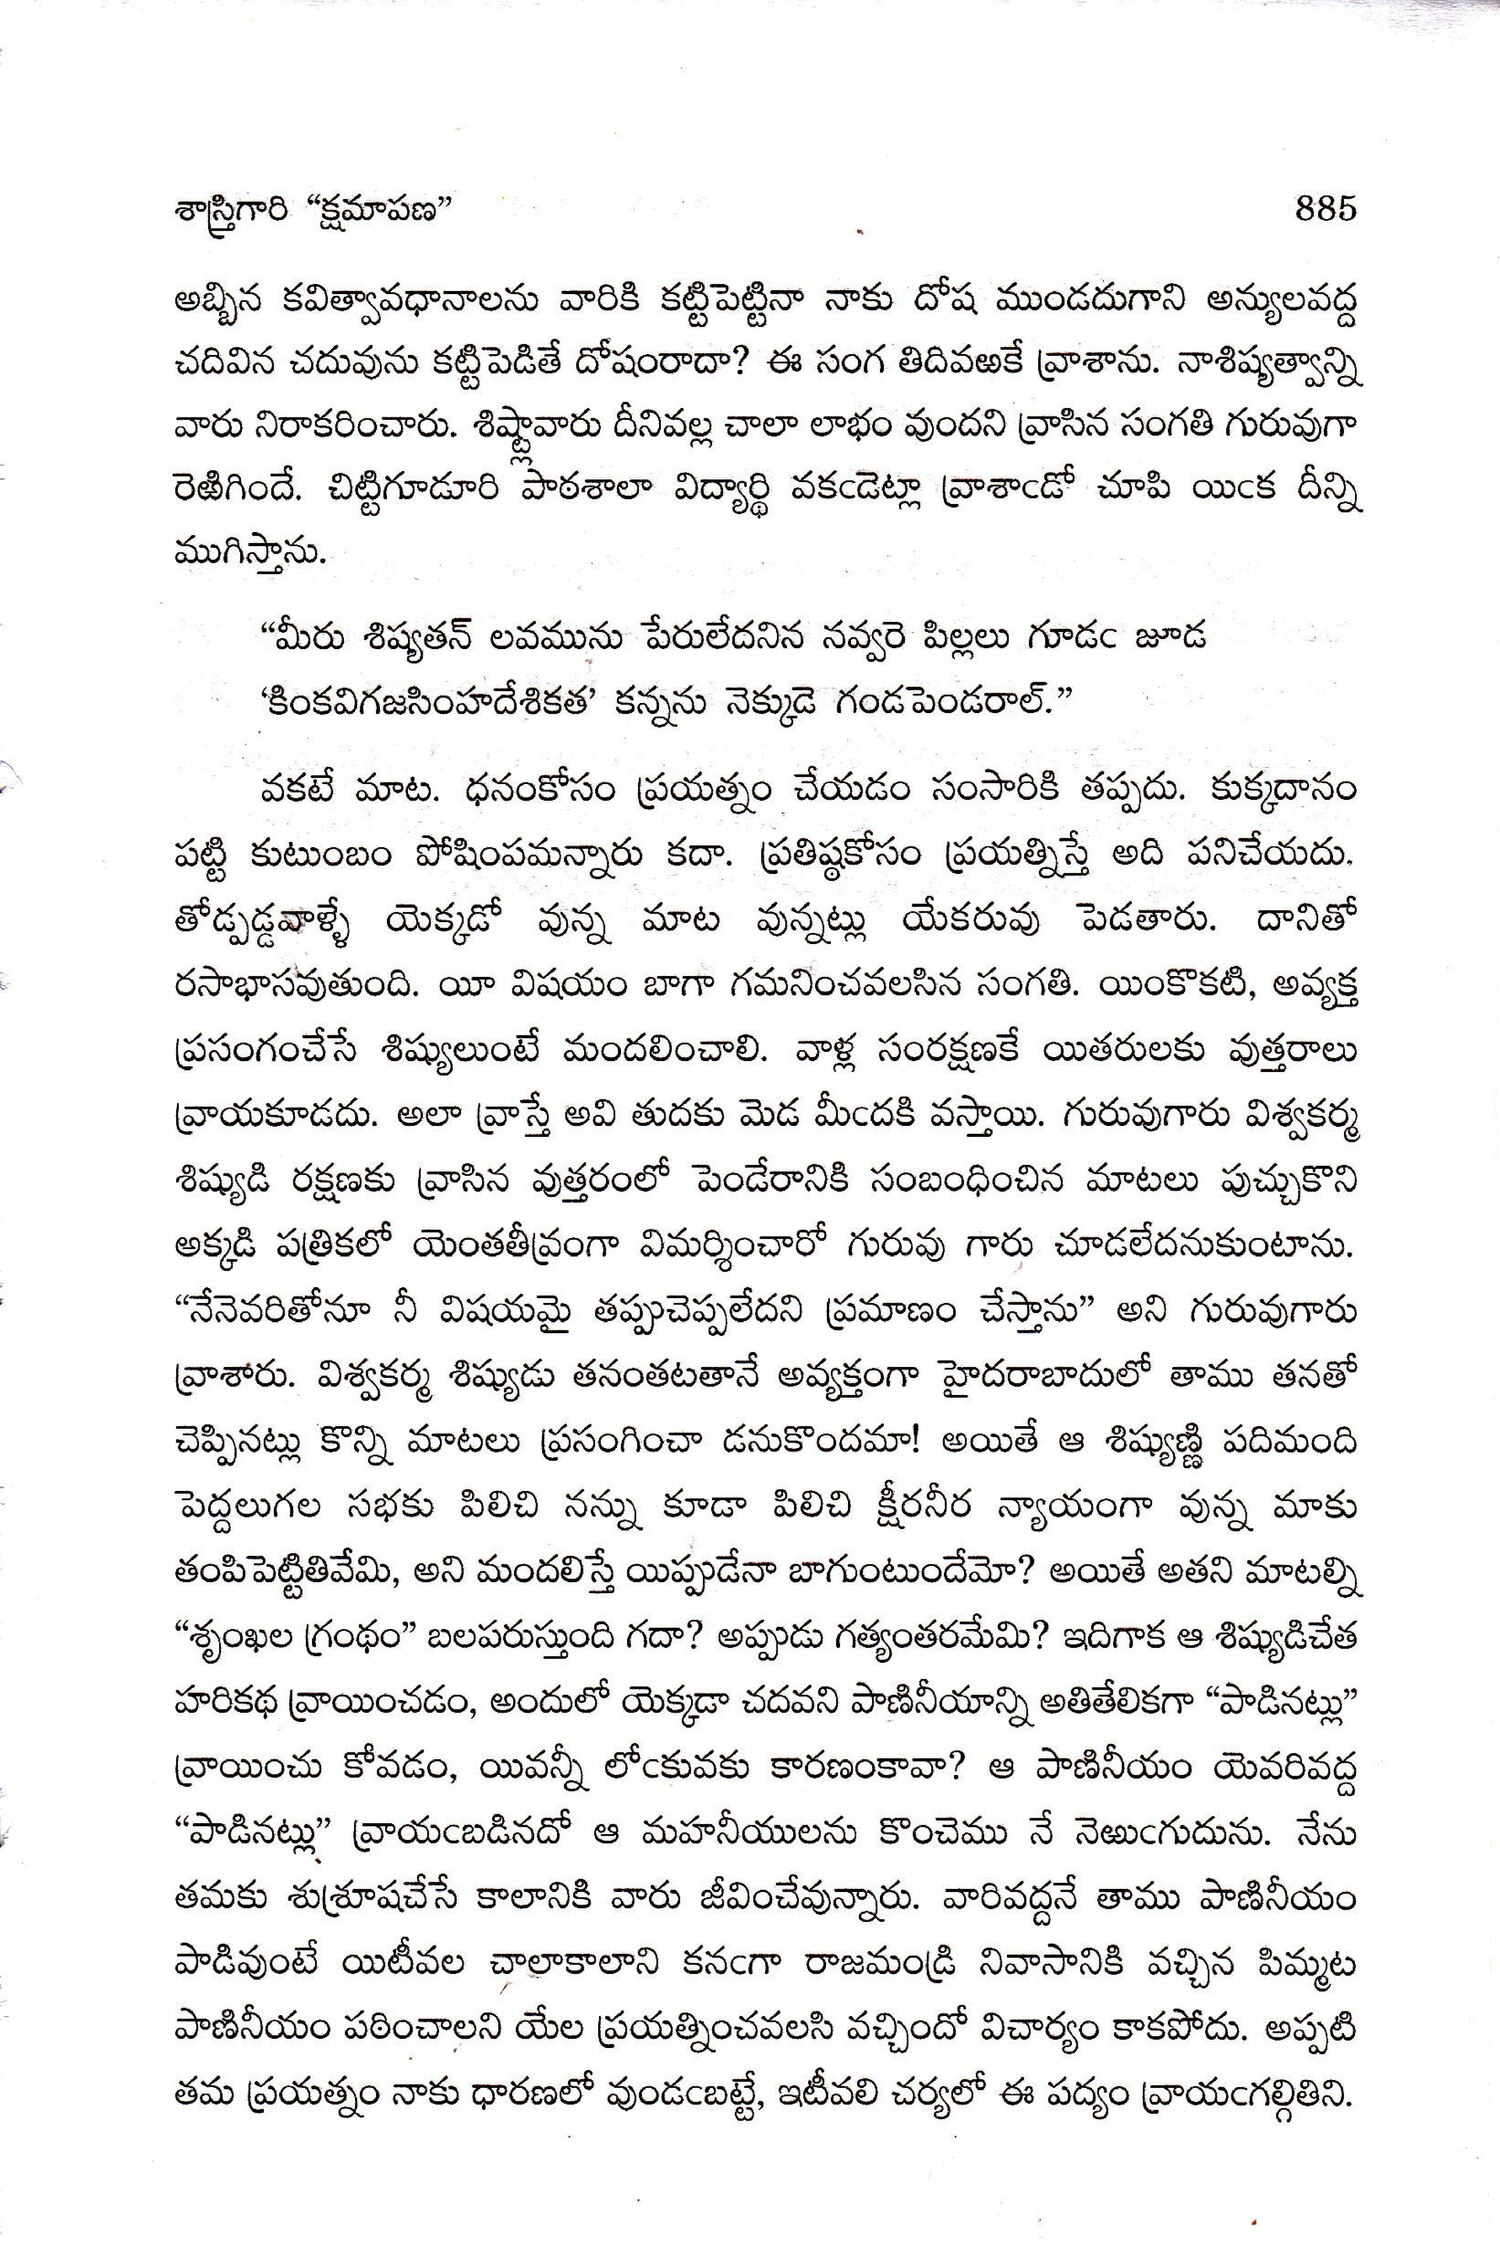అబ్బిన కవిత్వావధానాలను వారికి కట్టిపెట్టినా నాకు దోష ముండదుగాని అన్యులవద్ద చదివిన చదువును కట్టిపెడితే దోషంరాదా? ఈ సంగ తిదివఱకే వ్రాశాను. నాశిష్యత్వాన్ని వారు నిరాకరించారు. శిష్టావారు దీనివల్ల చాలా లాభం వుందని వ్రాసిన సంగతి గురువుగా రెఱిగిందే. చిట్టిగూడూరి పాఠశాలా విద్యార్థి వకఁడెట్లా వ్రాశాఁడో చూపి యిఁక దీన్ని ముగిస్తాను.

"మీరు శిష్యతన్ లవమును పేరులేదనిన నవ్వరె పిల్లలు గూడఁ జూడ 
'కింకవిగజసింహదేశికత' కన్నను నెక్కుడె గండపెండరాల్"
వకటే మాట. ధనంకోసం ప్రయత్నం చేయడం సంసారికి తప్పదు. కుక్కదానం పట్టి కుటుంబం పోషింపమన్నారు కదా. ప్రతిష్ఠకోసం ప్రయత్నిస్తే అది పనిచేయదు. తోడ్పడ్డవాళ్ళే యెక్కడో వున్న మాట వున్నట్లు యేకరువు పెడతారు. దానితో రసాభాసవుతుంది. యీ విషయం బాగా గమనించవలసిన సంగతి. యింకొకటి, అవ్యక్త ప్రసంగంచేసే శిష్యులుంటే మందలించాలి. వాళ్ల సంరక్షణకే యితరులకు వుత్తరాలు వ్రాయకూడదు. అలా వ్రాస్తే అవి తుదకు మెడ మీఁదకి వస్తాయి. గురువుగారు విశ్వకర్మ శిష్యుడి రక్షణకు వ్రాసిన వుత్తరంలో పెండేరానికి సంబంధించిన మాటలు పుచ్చుకొని అక్కడి పత్రికలో యెంతతీవ్రంగా విమర్శించారో గురువు గారు చూడలేదనుకుంటాను. "నేనెవరితోనూ నీ విషయమై తప్పుచెప్పలేదని ప్రమాణం చేస్తాను" అని గురువుగారు వ్రాశారు. విశ్వకర్మ శిష్యుడు తనంతటతానే అవ్యక్తంగా హైదరాబాదులో తాము తనతో చెప్పినట్లు కొన్ని మాటలు ప్రసంగించా డనుకొందమా! అయితే ఆ శిష్యుణ్ణి పదిమంది పెద్దలుగల సభకు పిలిచి నన్ను కూడా పిలిచి క్షీరనీర న్యాయంగా వున్న మాకు తంపిపెట్టితివేమి, అని మందలిస్తే యిప్పుడేనా బాగుంటుందేమో? అయితే అతని మాటల్ని “శృంఖల గ్రంథం" బలపరుస్తుంది గదా? అప్పుడు గత్యంతరమేమి? ఇదిగాక ఆ శిష్యుడిచేత హరికథ వ్రాయించడం, అందులో యెక్కడా చదవని పాణినీయాన్ని అతితేలికగా "పాడినట్లు" వ్రాయించు కోవడం, యివన్నీ లోఁకువకు కారణంకావా? ఆ పాణినీయం యెవరివద్ద “పాడినట్లు" వ్రాయఁబడినదో ఆ మహనీయులను కొంచెము నే నెఱుఁగుదును. నేను తమకు శుశ్రూషచేసే కాలానికి వారు జీవించేవున్నారు. వారివద్దనే తాము పాణినీయం పాడివుంటే యిటీవల చాలాకాలాని కనఁగా రాజమండ్రి నివాసానికి వచ్చిన పిమ్మట పాణినీయం పఠించాలని యేల ప్రయత్నించవలసి వచ్చిందో విచార్యం కాకపోదు. అప్పటి తమ ప్రయత్నం నాకు ధారణలో వుండఁబట్టే, ఇటీవలి చర్యలో ఈ పద్యం వ్రాయఁగల్గితిని.